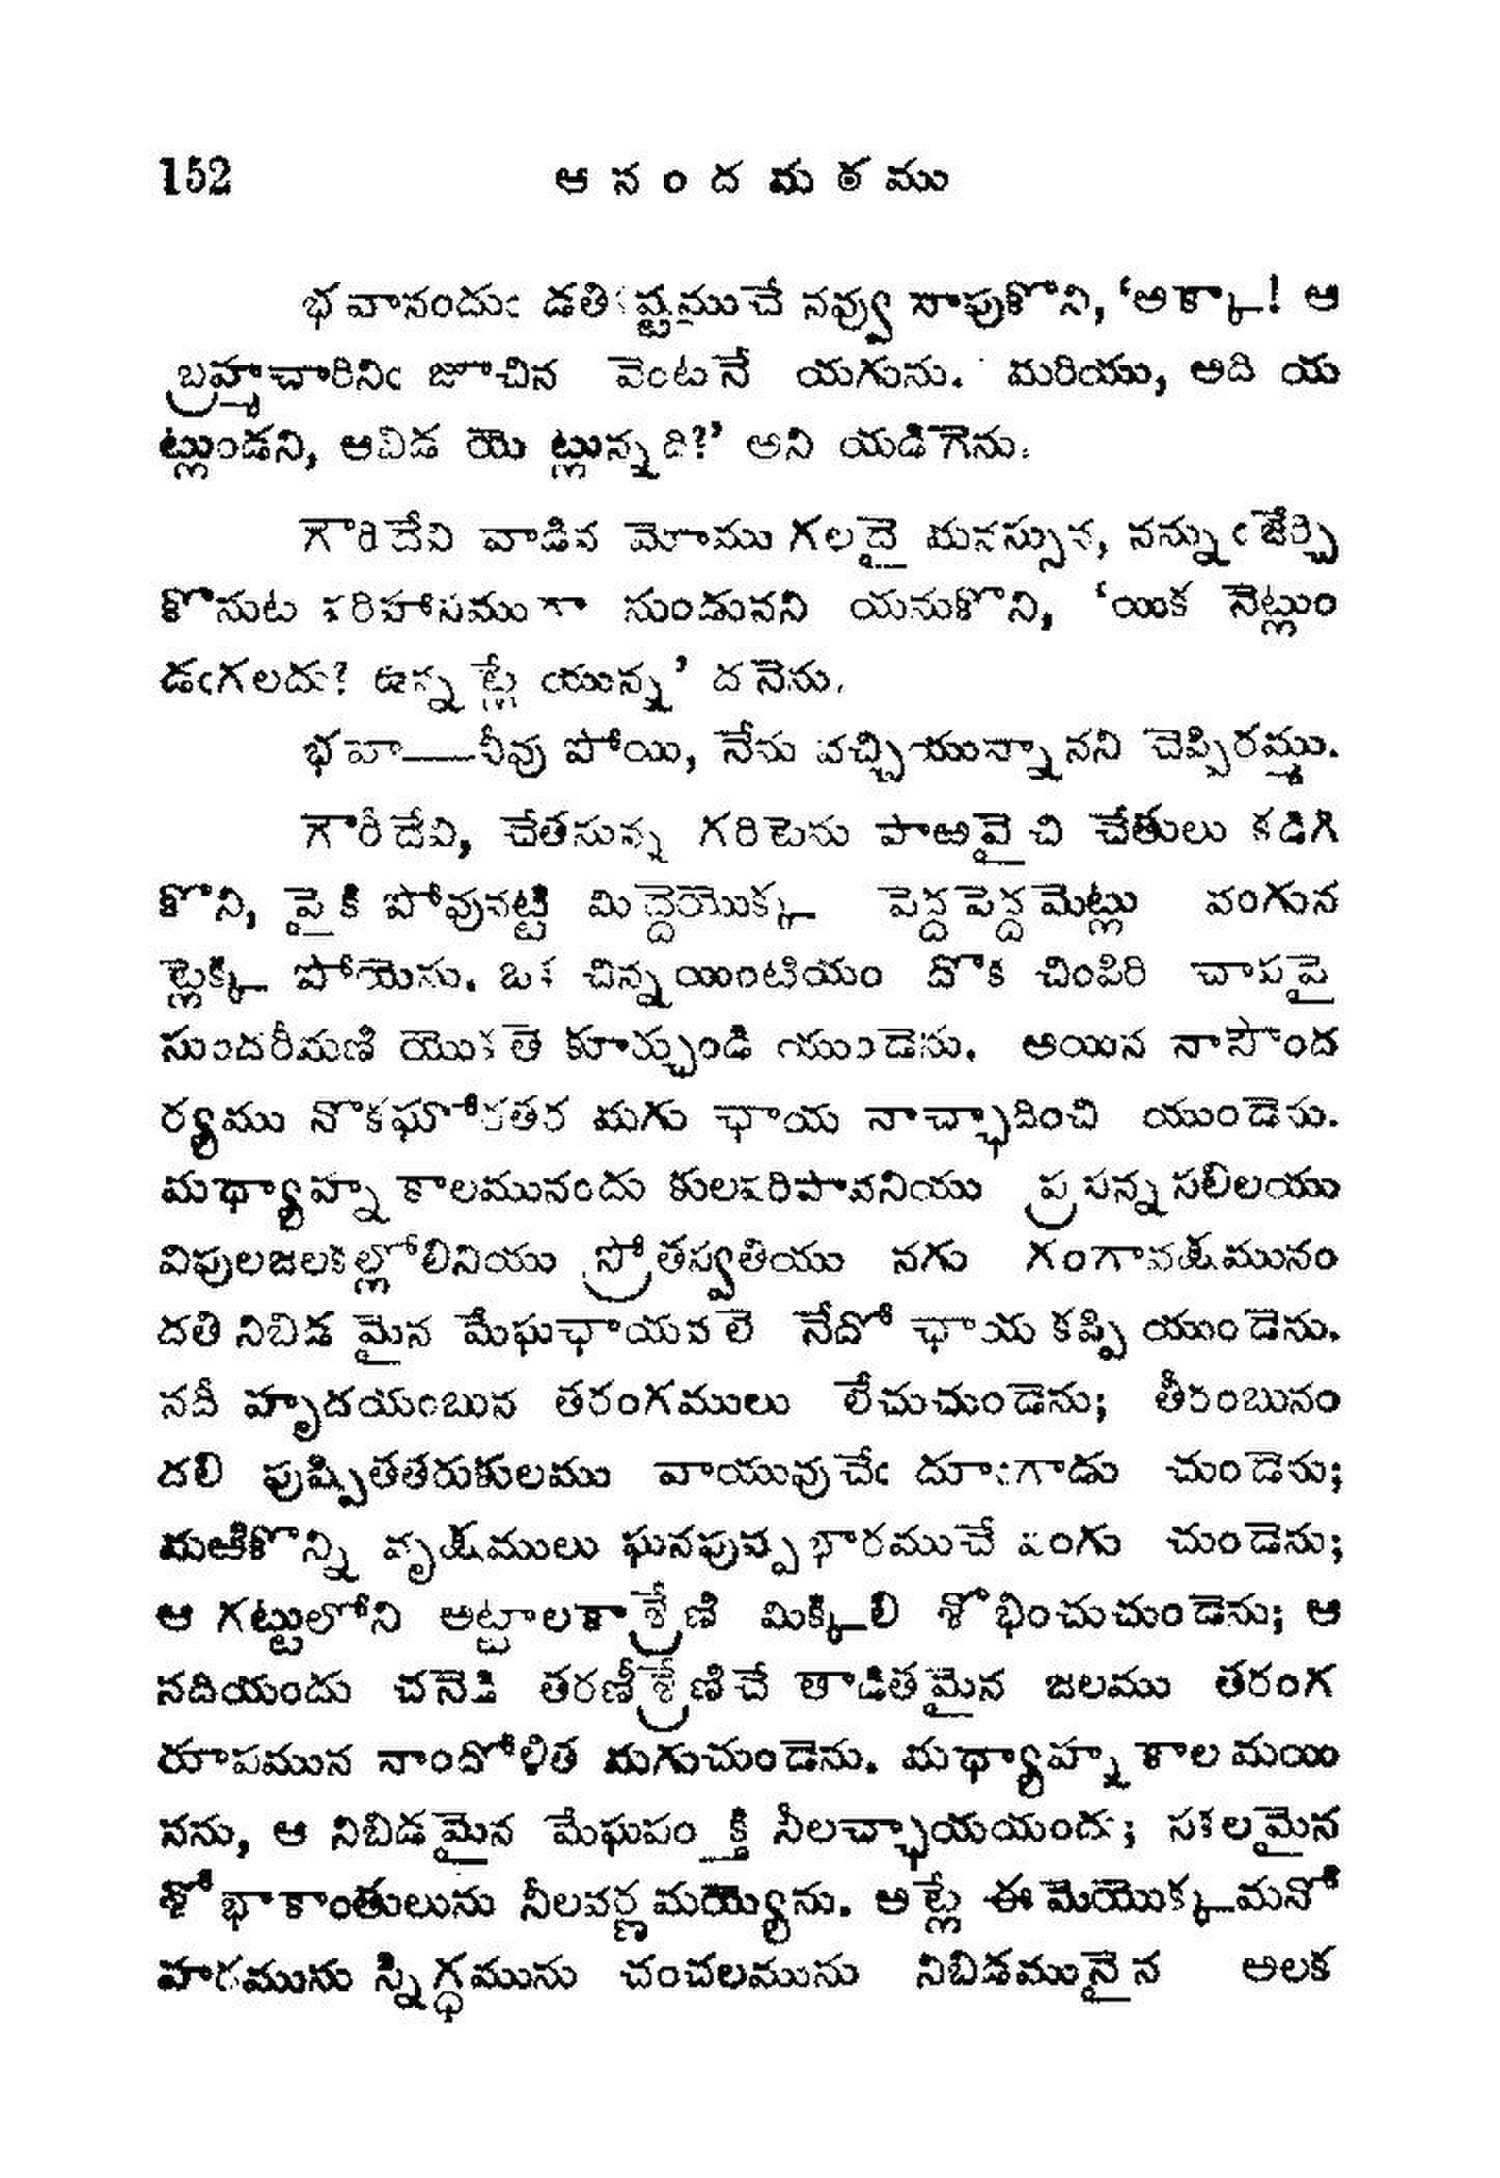భవానందుఁ డతికష్టముచే నవ్వు నాపుకొని, అక్కా! ఆ బ్రహ్మచారినిఁ జూచిన వెంటనే యగును, మరియు, అది య
ట్లుండని, ఆవిడ యెట్లున్నది?' అని యడిగెను.

గౌరి దేవి వాడిన మోము గలదై మనస్సున, నన్నుఁ జేర్చి గొనుట పరిహాసముగా నుండునని యనుకొని, 'యిక నెట్లుం
డఁగలదు? ఉన్నట్లే యున్న' దనెను,

భవా—— నీవు పోయి, నేను వచ్చి యున్నానని చెప్పిరమ్ము.

గౌరీ దేవి, చేతనున్న గరిటెను పాఱవైచి చేతులు కడిగి కొని, పైకి పోవునట్టి మిద్దెయొక్క పెద్ద పెద్ద మెట్లు వంగునట్లెక్కి పోయెను. ఒక చిన్న యింటియం దొక చింపిరి చాపపై సుందరీమణి యొకతె కూర్చుండి యుండెను. ఆయిన నాసౌంద
ర్యము నొకఘారతర మగు ఛాయ నాచ్ఛాదించి యుండెను. మధ్యాహ్న కాలమునందు కులపరిపావనియు ప్రపన్న సలిలయు విపులజలకల్లోలినియు స్రోతస్వతియు నగు గంగావక్షమునందతి నిబిడ మైన మేఘఛాయవలె నేదో ఛాయ కప్పి యుండెను, నదీ హృదయంబున తరంగములు లేచుచుండెను; తీరంబునందలి పుష్పితతరుకులము వాయువు చేఁ దూఁగాడు చుండెను;
మఱికొన్ని వృక్షములు ఘనపుప్ప భారముచే వంగు చుండెను; ఆ గట్టులోని అట్టాలకా శ్రేణి మిక్కిలి శోభించుచుండెను; ఆ
నదియందు చనెడి తరణీ శ్రేణిచే తాడితమైన జలము తరంగ రూపమున నాందోళిత మగుచుండెను. మధ్యాహ్న కాలమయి
నను, ఆ నిబిడమైన మేఘపంక్తి నీలచ్ఛాయయందు; సకలమైన శోభాకాంతులును నీలవర్ణ మయ్యెను. అట్లే ఈమెయొక్క మనోహరమును స్నిగ్ధమును చంచలమును నిబిడమునైన అలక